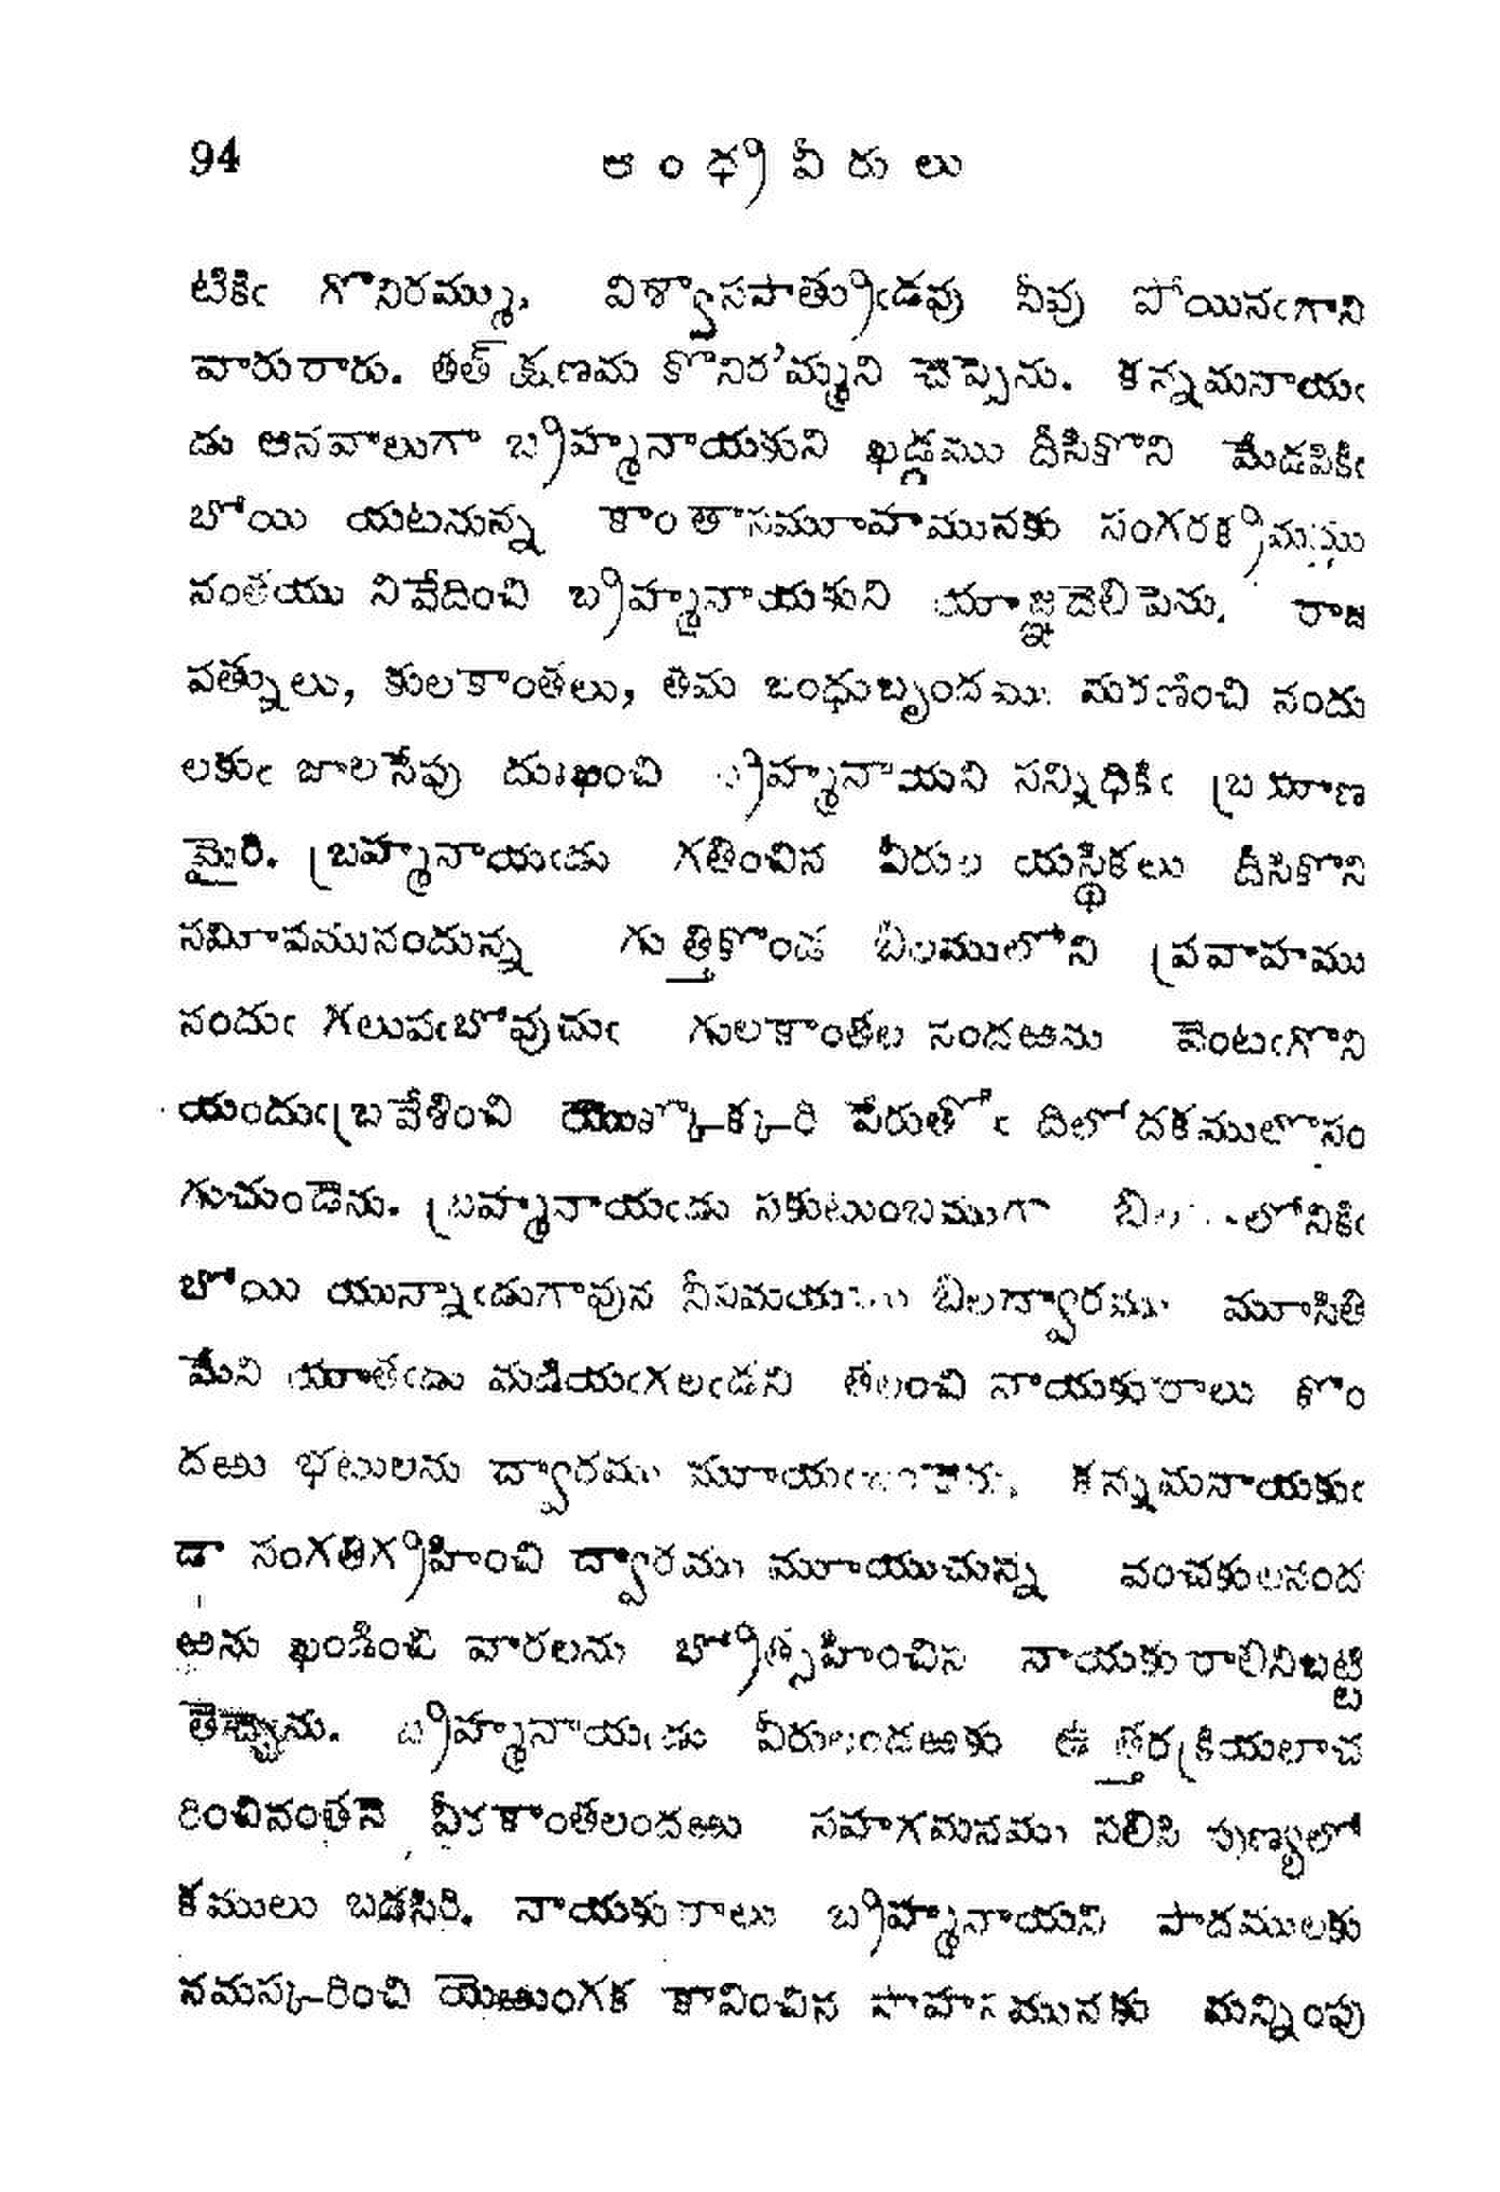టికి గొనిరమ్ము, విశ్వాసపాత్రుడవు నీవు పోయినగాని వారురారు. తత్క్షణమ కొనిర'మ్మని చెప్పెను. కన్నమనాయడు ఆనవాలుగా బ్రహ్మనాయకుని ఖడ్గము దీసికొని మేడిపికిబోయి యటనున్న కాంతాసమూహమునకు సంగరక్రమము నంతయు నివేదించి బ్రహ్మనాయకుని యాజ్ఞదెలిపెను. రాజపత్నులు, కులకాంతలు, తమ బంధుబృందము మరణించి నందులకు జాలసేపు దు:ఖించి బ్రహ్మనాయని సన్నిధికి బ్రయాణమైరి. బ్రహ్మనాయడు గతించిన వీరుల యస్థికలు దీసికొని సమీపమునందున్న గుత్తికొండ బిలములోని ప్రవాహము నందు గలుపబోవుచు గులకాంతల నందఱను వెంటగొని యందుబ్రవేశించి యొక్కొక్కరి పేరుతో దిలోదకము లొసంగుచుండెను. బ్రహ్మనాయడు సకుటుంబముగా బిలములోనికి బోయి యున్నాడుగావున నీసమయము బిలద్వారము మూసితిమేని యాతడు మడియగలడని తలంచి నాయకురాలు కొందఱు భటులను ద్వారము మూయబంపెను. కన్నమనాయకుడా సంగతిగ్రహించి ద్వారము మూయుచున్న వంచకులనందఱను ఖండించి వారలను బ్రోత్సహించిన నాయకురాలినిబట్టి తెచ్చెను. బ్రహ్మనాయడు వీరులందఱకు ఉత్తరక్రియలాచరించినంతనె వీరకాంతలందఱు సహగమనము సలిపి పుణ్యలోకములు బడసిరి. నాయకురాలు బ్రహ్మనాయని పాదములకు నమస్కరించి యెఱుంగక కావించిన సాహసమునకు మన్నింపు